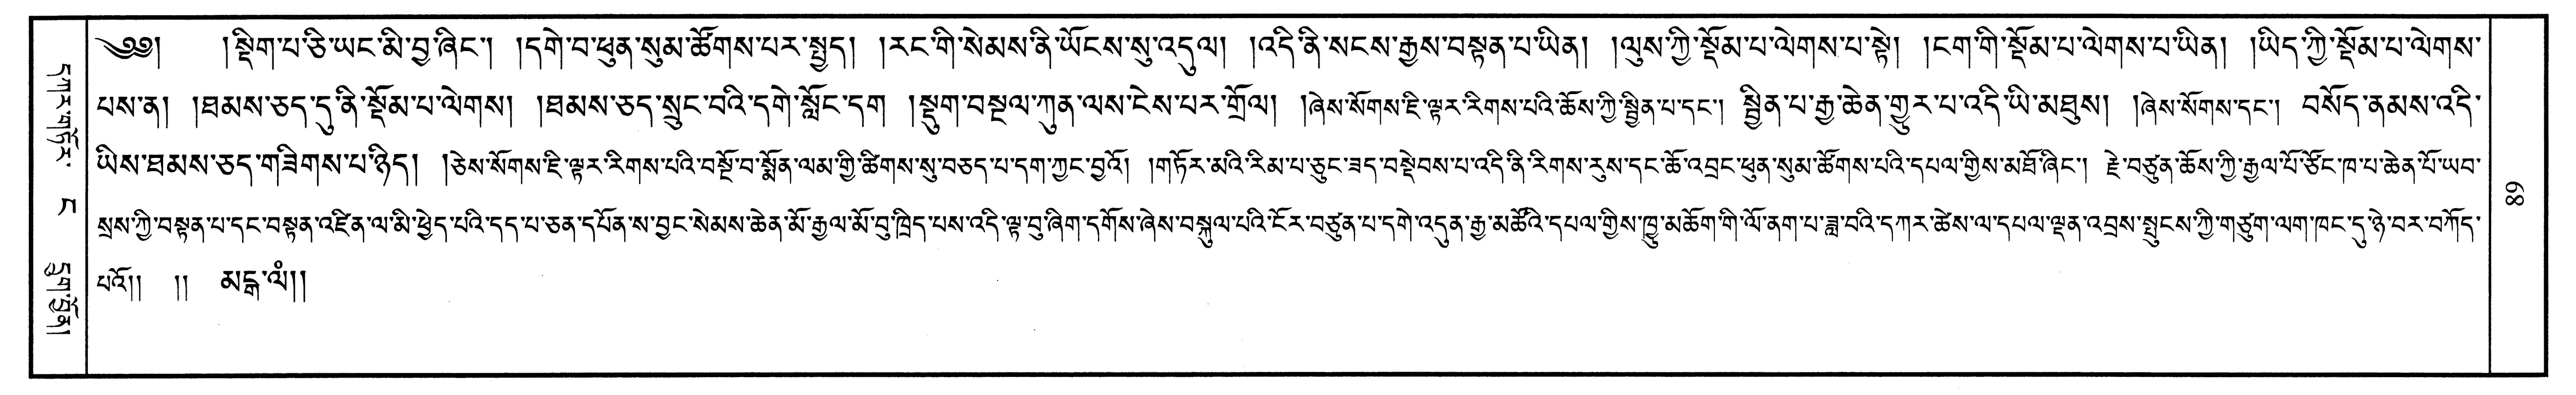༄༅། །སྡིག་པ་ཅི་ཡང་མི་བྱ་ཞིང་། །དགེ་བ་ཕུན་སུམ་ཚོགས་པར་སྤྱད། །རང་གི་སེམས་ནི་ཡོངས་སུ་འདུལ། །འདི་ནི་སངས་རྒྱས་བསྟན་པ་ཡིན། །ལུས་ཀྱི་སྡོམ་པ་ལེགས་པ་སྟེ། །ངག་གི་སྡོམ་པ་ལེགས་པ་ཡིན། །ཡིད་ཀྱི་སྡོམ་པ་ལེགས་
པས་ན། །ཐམས་ཅད་དུ་ནི་སྡོམ་པ་ལེགས། །ཐམས་ཅད་སྲུང་བའི་དགེ་སློང་དག །སྡུག་བསྔལ་ཀུན་ལས་ངེས་པར་གྲོལ། །ཞེས་སོགས་ཇི་ལྟར་རིགས་པའི་ཆོས་ཀྱི་སྦྱིན་པ་དང་། སྦྱིན་པ་རྒྱ་ཆེན་གྱུར་པ་འདི་ཡི་མཐུས། །ཞེས་སོགས་དང་། བསོད་ནམས་འདི་
ཡིས་ཐམས་ཅད་གཟིགས་པ་ཉིད། །ཅེས་སོགས་ཇི་ལྟར་རིགས་པའི་བསྔོ་བ་སྨོན་ལམ་གྱི་ཚིགས་སུ་བཅད་པ་དག་ཀྱང་བྱའོ། །གཏོར་མའི་རིམ་པ་ཅུང་ཟད་བསྡེབས་པ་འདི་ནི་རིགས་རུས་དང་ཆོ་འབྲང་ཕུན་སུམ་ཚོགས་པའི་དཔལ་གྱིས་མཐོ་ཞིང་། རྗེ་བཙུན་ཆོས་ཀྱི་རྒྱལ་པོ་ཙོང་ཁ་པ་ཆེན་པོ་ཡབ་
སྲས་ཀྱི་བསྟན་པ་དང་བསྟན་འཛིན་ལ་མི་ཕྱེད་པའི་དད་པ་ཅན་དཔོན་ས་བྱང་སེམས་ཆེན་མོ་རྒྱལ་མོ་བུ་ཁྲིད་པས་འདི་ལྟ་བུ་ཞིག་དགོས་ཞེས་བསྐུལ་བའི་ངོར་བཙུན་པ་དགེ་འདུན་རྒྱ་མཚོའི་དཔལ་གྱིས་ཁྱུ་མཆོག་གི་ལོ་ནག་པ་ཟླ་བའི་དཀར་ཚེས་ལ་དཔལ་ལྡན་འབྲས་སྤུངས་ཀྱི་གཙུག་ལག་ཁང་དུ་ཉེ་བར་བཀོད་ད་པའོ།། །།མངྒ་ལཾ།།